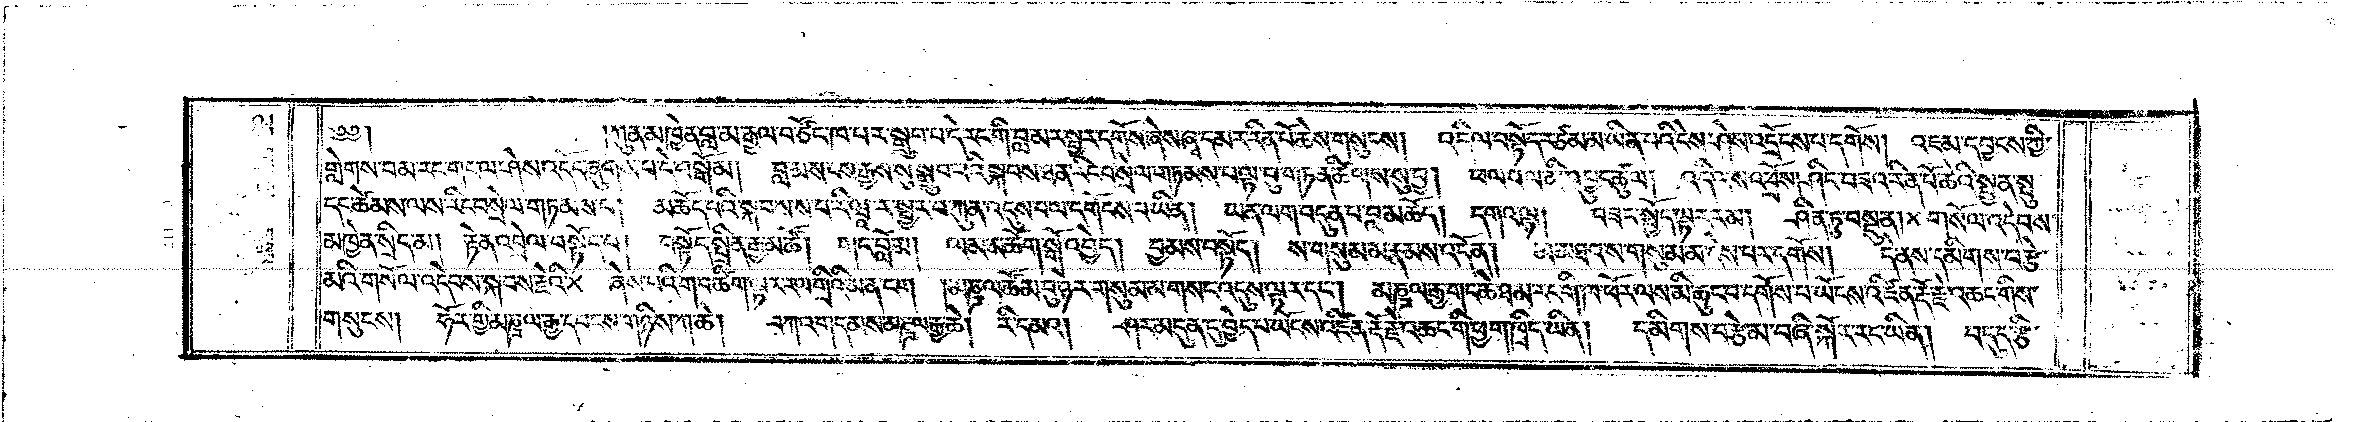༄༅། །ཀུན་མཁྱེན་བླ་མ་རྒྱལ་བ་ཙོང་ཁ་པར་སྒྲུབ་པ་དེ་རང་གི་བླ་མར་སྦྱར་དགོས་ཞེས་ཞྭ་དམར་རིན་པོ་ཆེས་གསུངས། འདི་ལ་བསྟོད་ར་ཙམ་མ་ཡིན་པའི་ངེས་ཤེས་འདྲོངས་པ་དགོས། འཇམ་དབྱངས་ཀྱི་
གླེགས་བམ་རང་གང་ལ་ཤེས་འདོད་ཞུགས་པ་དེ་བསྒོམ། བླ་མ་སངས་རྒྱས་སུ་སྒྲུབ་པའི་སྐབས་ཐན་རིང་བསྲེལ་གཏམས་པ་ལྟ་བུ་གཏན་ཚིགས་སུ་བྱ། ཕལ་བ་ལ་མི་འབྱུང་ཚུལ། འདི་ལས་འཕྲོས་།ཤིང་བཟའ་རིན་པོ་ཆེའི་སྤྱན་སྤུ་
དང་ཚེམས་ལས་རིང་བསྲེལ་གཏམས་པ། མཆོད་པའི་སྐབས་པ་རི་ཝཱ་ར་སྦྱར་བ་ཀུན་འདུས་པ་ལ་དགོངས་པ་ཡིན། ཡན་ལག་བདུན་པ་བླ་མཆོད། དགའ་ལྷ། བཟང་སྤྱོད་ལྟར་རམ། ཤིན་ཏུ་བསྡུན། ྾་གསོལ་འདེབས་
མཁྱེན་སྲིད་མ། རྟེན་འབྲེལ་བསྟོད་པ། བསྟོད་སྤྲིན་རྒྱ་མཚོ། གང་བློ་མ། ལམ་མཆོག་སྒོ་འབྱེད། བྱམས་བསྟོད། ས་གསུམ་མ་རྣམས་འདོན། མ་མཐའ་ས་གསུམ་མ་ངེས་པར་དགོས། དེ་ནས་དམིགས་བརྩེ་
མའི་གསོལ་འདེབས་སྐབས་རྗེའི་྾་ཞེས་པའི་གབ་ཚིག་ལྟར་རལ་གྲིའི་མན་ངག །མཎྜལ་ཚོམ་བུ་ཉེར་གསུམ་མ་གསང་འདུས་ལྟར་དང་། མཎྜལ་རྒྱ་གང་ཆེ་ཐ་མ་རང་གི་ཁ་ཕོར་ལས་མི་ཆུང་?་དགོས་པ་ཡོངས་འཛིན་རྡོ་རྗེ་འཆང་གིས་
གསུངས། ཧོར་གྱི་མཎྜལ་རྒྱ་དབངས་གཉིས་ཀ་ཆེ། བཀའ་གདམས་མཎྜལ་རྒྱ་ཆེ། རི་དམའ། ཤར་མདུན་དུ་བྱེད་པ་ཡོངས་འཛིན་རྡོ་རྗེ་འཆང་གི་ཕྱག་ཁྲིད་ཡིན། དམིགས་བརྩེ་མ་བཞི་སྐོར་རང་ཡིན། བདུད་རྩི་